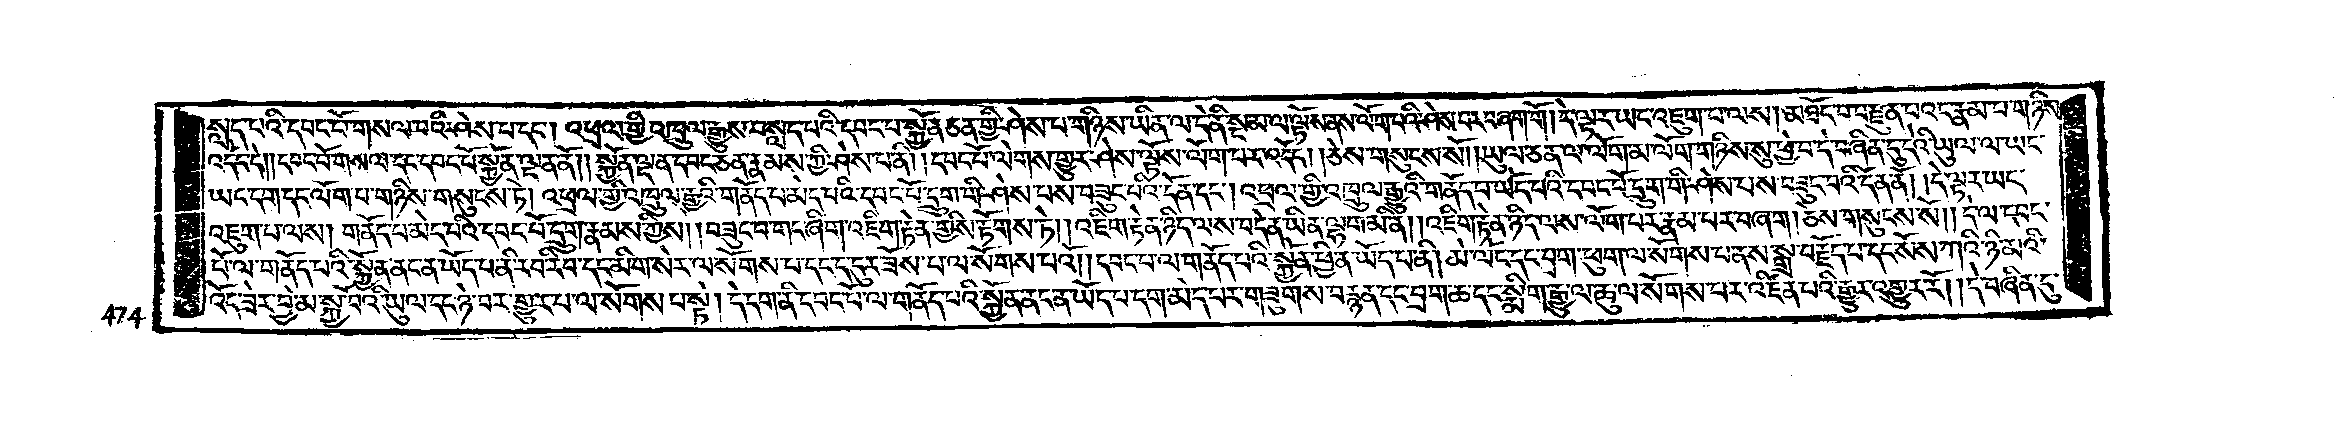སླད་པའི་དབང་པོ་གསལ་བའི་ཤེས་པ་དང་། འཕྲལ་གྱི་འཁྲུལ་རྒྱུས་བསླད་པའི་དབང་པ་སྐྱོན་ཅན་གྱི་ཤེས་པ་གཉིས་ཡིན་ལ་དེ་ནི་སྔ་མ་ལ་ལྟོས་ནས་ལོག་པའི་ཤེས་པར་བཞག་གོ། དེ་ལྟར་ཡང་འཇུག་པ་ལས། མཐོང་བ་བརྫུན་པའང་རྣམ་པ་གཉིས་
འདོད་དོ། །དབང་པོ་གསལ་དང་དབང་པོ་སྐྱོན་ལྡན་ནོ། །སྐྱོན་ལྡན་དབང་ཅན་རྣམས་ཀྱི་ཤེས་པ་ནི། །དབང་པོ་ལེགས་གྱུར་ཤེས་ལྟོས་ལོག་པར་འདོད། །ཅེས་གསུངས་སོ། །ཡུལ་ཅན་ལ་ལོག་མ་ལོག་གཉིས་སུ་ཕྱེ་བ་དེ་བཞིན་དུ་དེའི་ཡུལ་ལ་ཡང་
ཡང་དག་དང་ལོག་པ་གཉིས་གསུངས་ཏེ། འཕྲལ་གྱི་འཁྲུལ་རྒྱའི་གནོད་པ་མེད་པའི་དབང་པོ་དྲུག་གི་ཤེས་པས་བཟུང་པའི་དོན་དང་། འཕྲལ་གྱི་འཁྲུལ་རྒྱུའི་གནོད་པ་ཡོད་པའི་བང་པོ་དྲུག་གི་ཤེས་པས་བཟུང་བའི་དོན་ནོ། །དེ་ལྟར་ཡང་
འཇུག་པ་ལས། གནོད་པ་མེད་པའི་དབང་པོ་དྲུག་རྣམས་ཀྱིས། །བཟུང་བ་གང་ཞིག་འཇིག་རྟེན་གྱིས་རྟོགས་ཏེ། །འཇིག་རྟེན་ཉིད་ལས་བདེན་ཡིན་ལྷག་མིན། །འཇིག་རྟེན་ཉིད་ལས་ལོག་པར་རྣམ་པར་བཞག། ཅེས་གསུངས་སོ། །དེ་ལ་དབང་
པོ་ལ་གནོད་པའི་སྐྱོན་ནང་ན་ཡོད་པ་ནི་རབ་རིབ་དང་མིག་སེར་ལ་སོགས་པ་དང་ད་དུར་ཟོས་པ་ལ་སོགས་པའོ། །དབང་པོ་ལ་གནོད་པའི་སྐྱོན་ཕྱི་ན་ཡོད་པ་ནི། མེ་ལོང་དང་བྲག་ཕུག་ལ་སོགས་པ་ནས་སྒྲ་བརྗོད་པ་དང་སོས་ཀའི་ཉི་མའི་
འོད་ཟེར་བྱེ་མ་སྐྱེ་བོའི་ཡུལ་དང་ཉེ་བར་གྱུར་པ་ལ་སོགས་པ་སྟེ། དེ་དག་ནི་དབང་པོ་ལ་གནོད་པའི་སྐྱོན་ནང་ན་ཡོད་པ་དག་མེད་པར་གཟུགས་བརྙན་དང་བྲག་ཆ་དང་སྨིག་རྒྱུ་ལ་ཆུ་ལ་སོགས་པར་འཛིན་པའི་རྒྱུར་འགྱུར་རོ། །དེ་བཞིན་དུ་